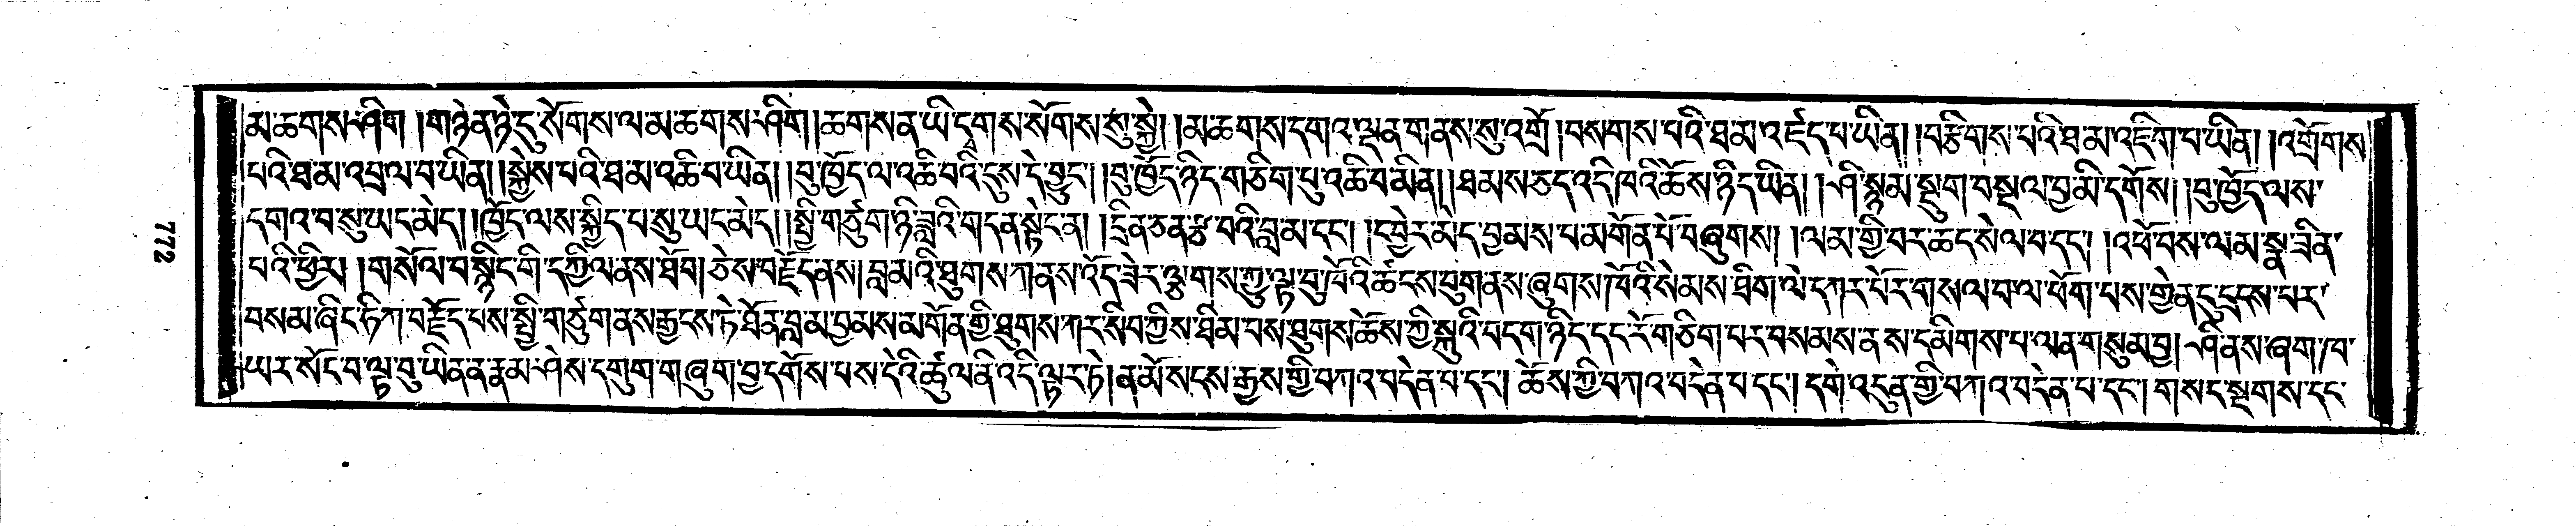མ་ཆགས་ཤིག །གཉེན་ཉེ་དུ་སོགས་ལ་མ་ཆགས་ཤིག །ཆགས་ན་ཡི་དྭགས་སོགས་སུ་སྐྱེ། །མ་ཆགས་དགའ་ལྡན་གནས་སུ་འགྲོ་།བསགས་པའི་ཐ་མ་འཛད་པ་ཡིན། །བརྩིགས་པའི་ཐ་མ་འཇིག་པ་ཡིན། །འགྲོགས་
པའི་ཐ་མ་འབྲལ་བ་ཡིན། །སྐྱེས་པའི་ཐ་མ་འཆི་བ་ཡིན། །བུ་ཁྱོད་ལ་འཆི་བའི་དུས་དེ་བྱུང་། །བུ་ཁྱོད་ཉིད་གཅིག་པུ་འཆི་བ་མིན། །ཐམས་ཅད་འདི་ཁའི་ཆོས་ཉིད་ཡིན། །ཤི་སྙམ་སྡུག་བསྔལ་བྱ་མི་དགོས། །བུ་ཁྱོད་ལས་
དགའ་བ་སུ་ཡང་མེད། །ཁྱོད་ལས་སྐྱིད་པ་སུ་ཡང་མེད། །སྤྱི་གཙུག་ཉི་ཟླའི་གདན་སྟེང་ན། །དྲིན་ཅན་རྩ་བའི་བླ་མ་དང་། །དབྱེར་མེད་བྱམས་པ་མགོན་པོ་བཞུགས། །ལམ་གྱི་བར་ཆད་སེལ་བ་དང་། །འཕོ་བས་ལམ་སྣ་ཟིན་
པའི་ཕྱིར། །གསོལ་བ་སྙིང་གི་དཀྱིལ་ནས་ཐོབ། ཅེས་བརྗོད་ནས། བླ་མའི་ཐུགས་ཀ་ནས་འོད་ཟེར་ལྕགས་ཀྱུ་ལྟ་བུ་ཁོའི་ཚངས་བུག་ནས་ཞུགས་ཁོའི་སེམས་ཐིག་ལེ་དཀར་པོར་གསལ་བ་ལ་ཕོག་པས་གྱེན་དུ་དྲངས་པར་
བསམ་ཞིང་ཧི་ཀ་བརྗོད་པས་སྤྱི་གཙུག་ནས་རྒྱངས་ཏེ་ཐོན་བླ་མ་བྱམས་མགོན་གྱི་ཐུགས་ཀར་སིབ་ཀྱིས་ཐིམ་པས་ཐུགས་ཆོས་ཀྱི་སྐུའི་བདག་ཉིད་དང་རོ་གཅིག་པར་བསམས་ནས་དམིགས་པ་ལན་གསུམ་བྱ། ཤི་ནས་ཞག་ཁ་
ཡར་སོང་བ་ལྟ་བུ་ཡིན་ན་རྣམ་ཤེས་དགུག་གཞུག་བྱ་དགོས་པས་དེའི་ཚུལ་ནི་འདི་ལྟར་ཏེ། ན་མོ་སངས་རྒྱས་ཀྱི་བཀའ་བདེན་པ་དང་། ཆོས་ཀྱི་བཀའ་བདེན་པ་དང་། དགེ་འདུན་གྱི་བཀའ་བདེན་པ་དང་། གསང་སྔགས་དང་